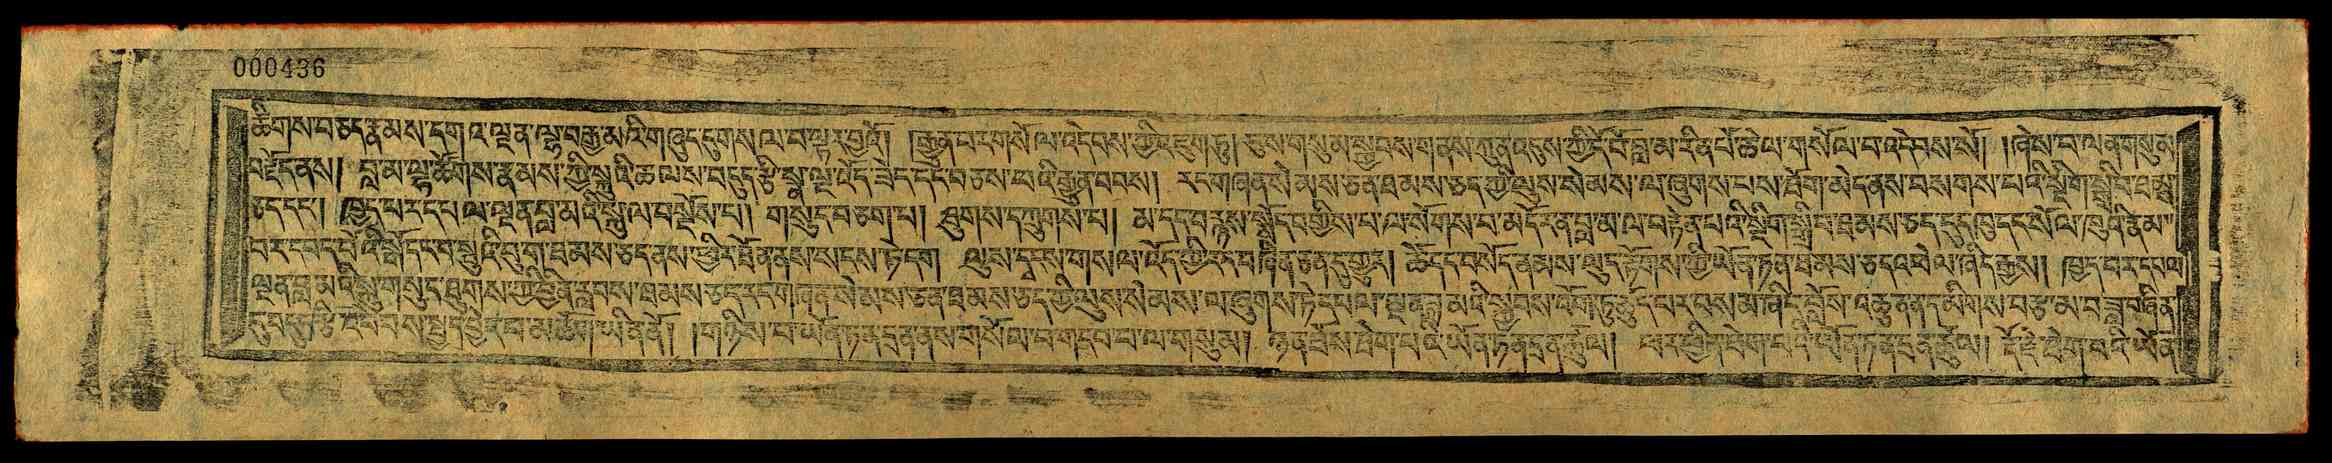ཚིགས་བཅད་རྣམས་དགའ་ལྡན་ལྷ་བརྒྱ་མའི་གཞུང་དུ་གསལ་བ་ལྟར་བྱའོ། །རྒྱུན་བར་གསོལ་འདེབས་ཀྱི་མཇུག་ཏུ། དུས་གསུམ་སྐྱབས་གནས་ཀུན་འདུས་ཀྱི་ངོ་བོ་བླ་མ་རིན་པོ་ཆེ་ལ་གསོལ་བ་འདེབས་སོ། །ཞེས་པ་ལན་གསུམ་
བརྗོད་ནས། བླ་མ་ལྷ་ཚོགས་རྣམས་ཀྱི་སྐུའི་ཆ་ལས་བདུད་རྩི་སྣ་ལྔ་འོད་ཟེར་དང་བཅས་པའི་རྒྱུན་བབས། རང་གཞན་སེམས་ཅན་ཐམས་ཅད་ཀྱི་ལུས་སེམས་ལ་ཞུགས་པས་ཐོག་མེད་ནས་བསགས་པའི་སྡིག་སྒྲིབ་ཐམས་
ཅད་དང་། ཁྱད་པར་དཔལ་ལྡན་བླ་མའི་སྐུ་ལ་བསྡོས་པ། གསུང་བཅག་པ། ཐུགས་དཀྲུགས་པ། མ་དད་བརྙས་སྨོད་བགྱིས་པ་ལ་སོགས་པ་མདོར་ན་བླ་མ་ལ་བརྟེན་པའི་སྡིག་སྒྲིབ་ཐམས་ཅད་དུད་ཁུ་དང་སོལ་ཁུའི་རྣམ་
པར་དབང་པོའི་སྒོ་དང་བ་སྤུའི་བུ་ག་ཐམས་ཅད་ནས་ཕྱིར་ཐོན་ནས་སངས་ཏེ་དག་ལུས་དྭངས་གསལ་འོད་ཀྱི་རང་བཞིན་ཅན་དུ་གྱུར། ཚེ་དང་བསོད་ནམས་ལུང་རྟོགས་ཀྱི་ཡོན་ཏན་ཐམས་ཅད་འཕེལ་ཞིང་རྒྱས། ཁྱད་པར་དཔལ་
ལྡན་བླ་མའི་སྐུ་གསུང་ཐུགས་ཀྱི་བྱིན་རླབས་ཐམས་ཅད་རང་གཞན་སེམས་ཅན་ཐམས་ཅད་ཀྱི་ལུས་སེམས་ལ་ཞུགས་ཏེ་དཔལ་ལྡན་བླ་མའི་སྐྱབས་འོག་ཏུ་ཚུད་པར་བསམ་ཞིང་བློས་འཆུན་ན་དམིགས་བརྩེ་མ་བཟླ་བཞིན་
དུ་བདུད་རྩི་འབེབས་སྦྱང་བྱེད་པ་མཆོག་ཡིན་ནོ། །གཉིས་པ་ཡོན་ཏན་དྲན་ནས་གསོལ་བ་གདབ་པ་ལ་གསུམ། ཉན་ཐོས་ཐེག་པའི་ཡོན་ཏན་དྲན་ཚུལ། ཕར་ཕྱིན་ཐེག་པའི་ཡོན་ཏན་དྲན་ཚུལ། རྡོ་རྗེ་ཐེག་པའི་ཡོན་